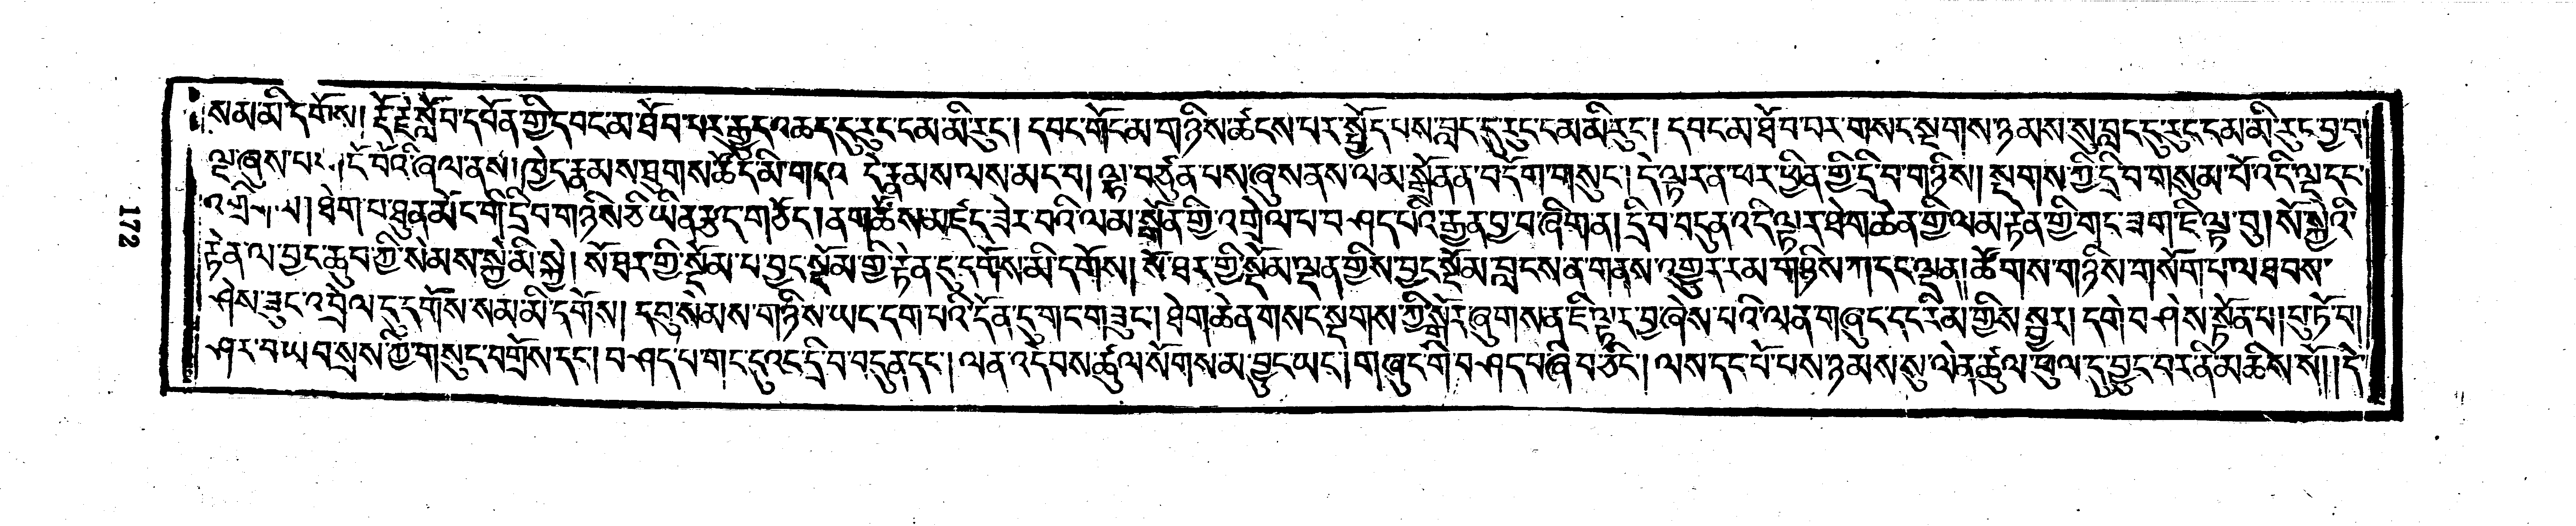སམ་མི་དགོས། རྡོ་རྗེ་སློབ་དཔོན་གྱི་དབང་མ་ཐོབ་པར་རྒྱུད་འཆད་དུ་རུང་ངམ་མི་རུང་། དབང་གོང་མ་གཉིས་ཚངས་པར་སྤྱོད་པས་བླང་དུ་རུང་ངམ་མི་རུང་། དབང་མ་ཐོབ་པར་གསང་སྔགས་ཉམས་སུ་བླང་དུ་རུང་ངམ་མི་རུང་བྱ་བ་
ལྔ་ཞུས་པས། ངོ་བོའི་ཞལ་ནས། ཁྱེད་རྣམས་ཐུགས་ཚོད་མི་གདའ། དེ་རྣམས་ལས་མང་བ། ལྷ་བཙུན་པས་ཞུས་ནས་ལམ་སྒྲོན་ན་བདོག་གསུང་། དེ་ལྟར་ན་ཕར་ཕྱིན་གྱི་དྲི་བ་གཉིས། སྔགས་ཀྱི་དྲི་བ་གསུམ་པོ་འདི་ལྔ་དང་
འགྲིག་ལ། ཐེག་པ་ཐུན་མོང་གི་དྲི་བ་གཉིས་ཅི་ཡིན་རྩད་གཅོད། ནག་ཚོས་མཛད་ཟེར་བའི་ལམ་སྒྲོན་གྱི་འགྲེལ་པ་བཤད་པའི་རྒྱན་བྱ་བ་ཞིག་ན། དྲི་བ་བདུན་འདི་ལྟར་ཐེག་ཆེན་གྱི་ལམ་རྟེན་གྱི་གང་ཟག་ཇི་ལྟ་བུ། སོ་སྐྱེའི་
རྟེན་ལ་བྱང་ཆུབ་ཀྱི་སེམས་སྐྱེ་མི་སྐྱེ། སོ་ཐར་གྱི་སྡོམ་པ་བྱང་སྡོམ་གྱི་རྟེན་དུ་དགོས་མི་དགོས། སོ་ཐར་གྱི་སྡོམ་ལྡན་གྱིས་བྱང་སྡོམ་བླངས་ན་གནས་འགྱུར་རམ་གཉིས་ཀ་དང་ལྡན། ཚོགས་གཉིས་གསོག་པ་ལ་ཐབས་
ཤེས་ཟུང་འབྲེལ་དུ་དགོས་སམ་མི་དགོས། དབུ་སེམས་གཉིས་ཡང་དག་པའི་དོན་དུ་གང་གཟུང་། ཐེག་ཆེན་གསང་སྔགས་ཀྱི་སྒོར་ཞུགས་ན་ཇི་ལྟར་བྱ་ཞེས་པའི་ལན་གཞུང་དང་རིམ་གྱིས་སྦྱར། དགེ་བཤེས་སྟོན་པ། པུ་ཏོ་བ།
ཤ་ར་བ་ཡབ་སྲས་ཀྱི་གསུང་བགྲོས་དང་། བཤད་པ་གང་དུའང་དྲི་བ་བདུན་དང་། ལན་འདེབས་ཚུལ་སོགས་མ་བྱུང་ཡང་། གཞུང་གི་བཤད་པ་ཞི་བ་ཅིང་། ལས་དང་པོ་པས་ཉམས་སུ་ལེན་ཚུལ་ཕུལ་དུ་བྱུང་བར་ནི་མཆིས་སོ། །དེ་